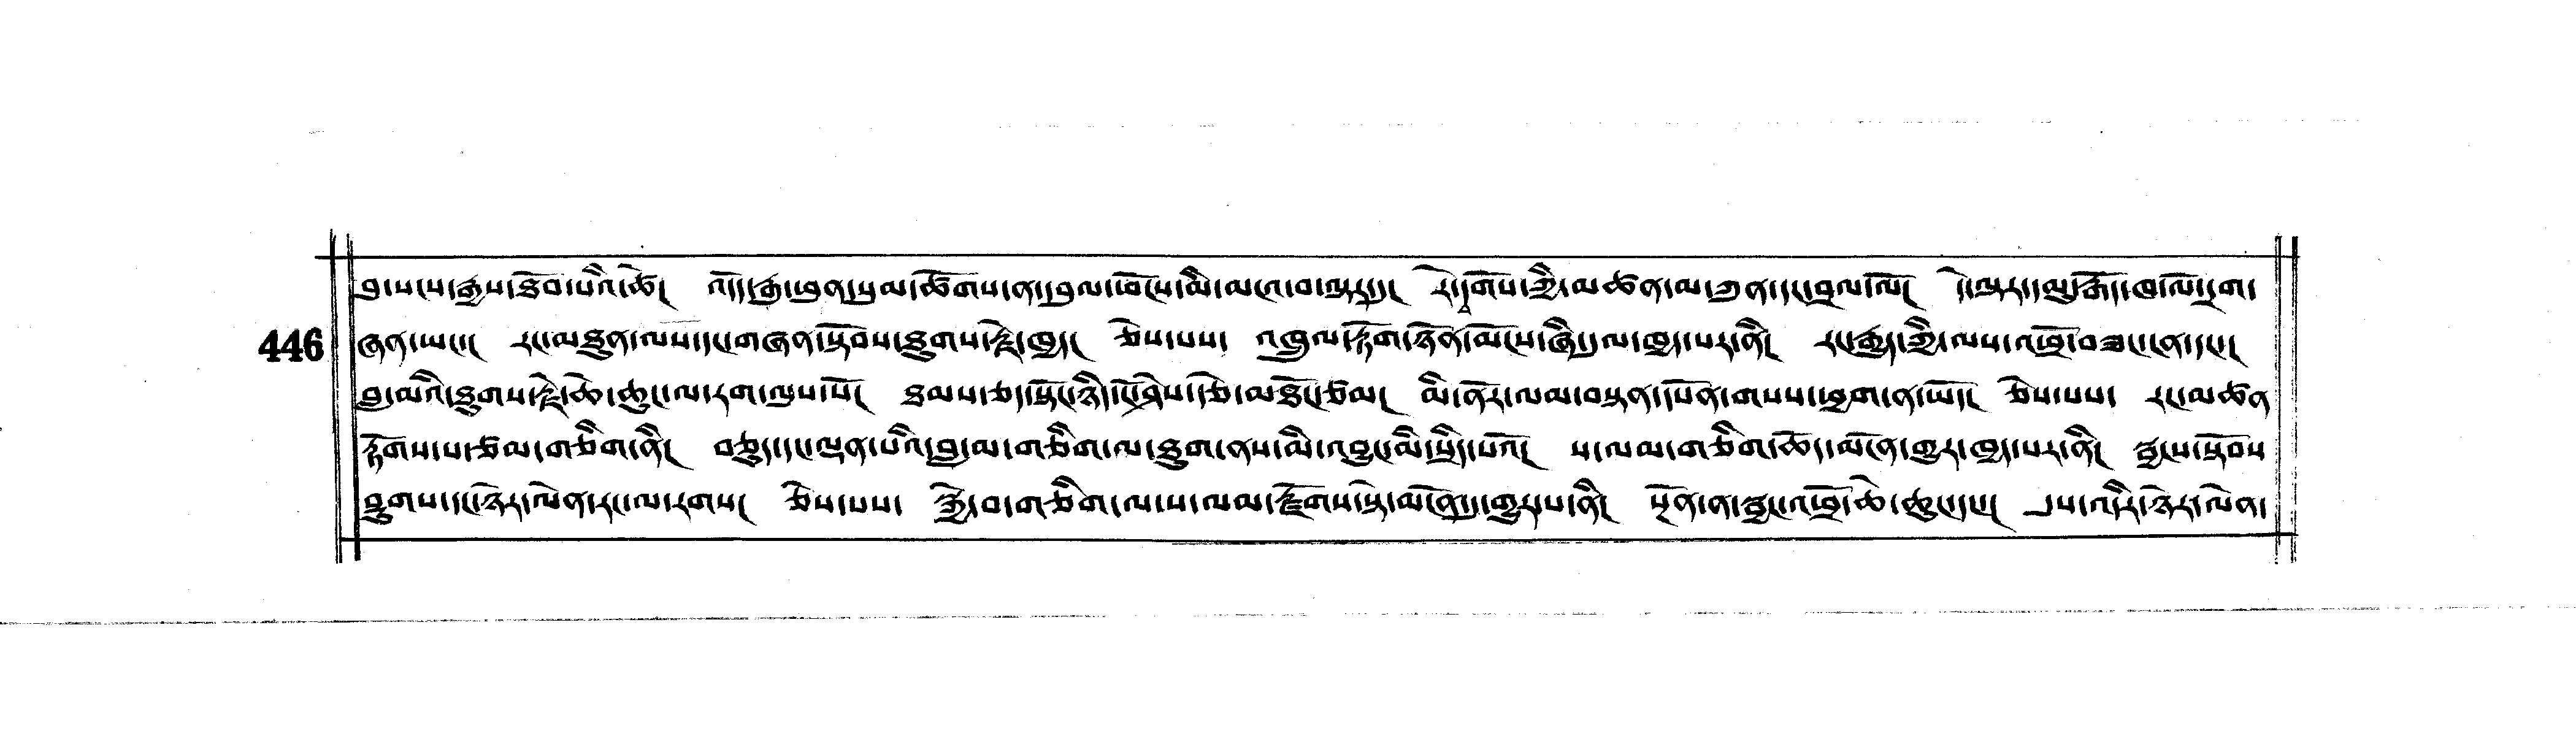བུ་སངས་རྒྱས་ཐོབ་པའི་ཚེ། འདོད་རྒུ་ཕུན་སུམ་ཚོགས་ན་དབུལ་ཕོངས་མི་མངའ་བ་ལྟར་དུ། རེ་དྭོགས་ཀྱི་མཚན་མ་ཀུན་དང་བྲལ་ལོ། དེ་ལྟར་དམུ་རྒོད་ཁ་ལོ་དྲག་
ཞན་ཡང་། རང་མཐུན་ལས་དང་གཞན་སྟོབས་ཐུགས་རྗེ་ཁྱད། ཅེས་པས། འཁྲུལ་རྟོག་ཉོན་མོངས་ཞི་དུལ་ཁྱད་པར་ནི། རང་རྒྱུད་ཀྱི་ལས་འཕྲོ་བཟང་ངན་དང་། 
བླ་མའི་ཐུགས་རྗེ་ཆེ་ཆུང་ལ་རག་ལུས་སོ། ཐམས་ཅད་སྟོང་ཉིད་ངོ་ཤེས་རྩེ་མཐོང་ཙམ། མི་ནོར་ལམ་བསྟན་དཔོན་གསས་ཕྱག་ན་ཡོད། ཅེས་པས། རང་མཚན་
རྟོགས་པ་ཙམ་གཅིག་ནི། བཅུད་དང་ལྡན་པའི་བླ་མ་གཅིག་ལ་ཐུགས་ན་མི་འབྱུང་མི་སྲིད་པའོ། ས་ལམ་གཅིག་ཆོད་མངོན་གྱུར་ཁྱད་པར་ནི། སྦྱངས་སྟོབས་
ཤུགས་དང་ཉེར་ལེན་རང་ལ་རག ཅེས་པས། སྐྱེ་བ་གཅིག་ལ་ས་ལམ་རྫོགས་ཏེ་མངོན་དུ་གྱུར་པ་ནི། སྔོན་ནས་སྦྱངས་འཕྲོ་ཆེ་ཆུང་དང་། དུས་འདིར་ཉེར་ལེན་